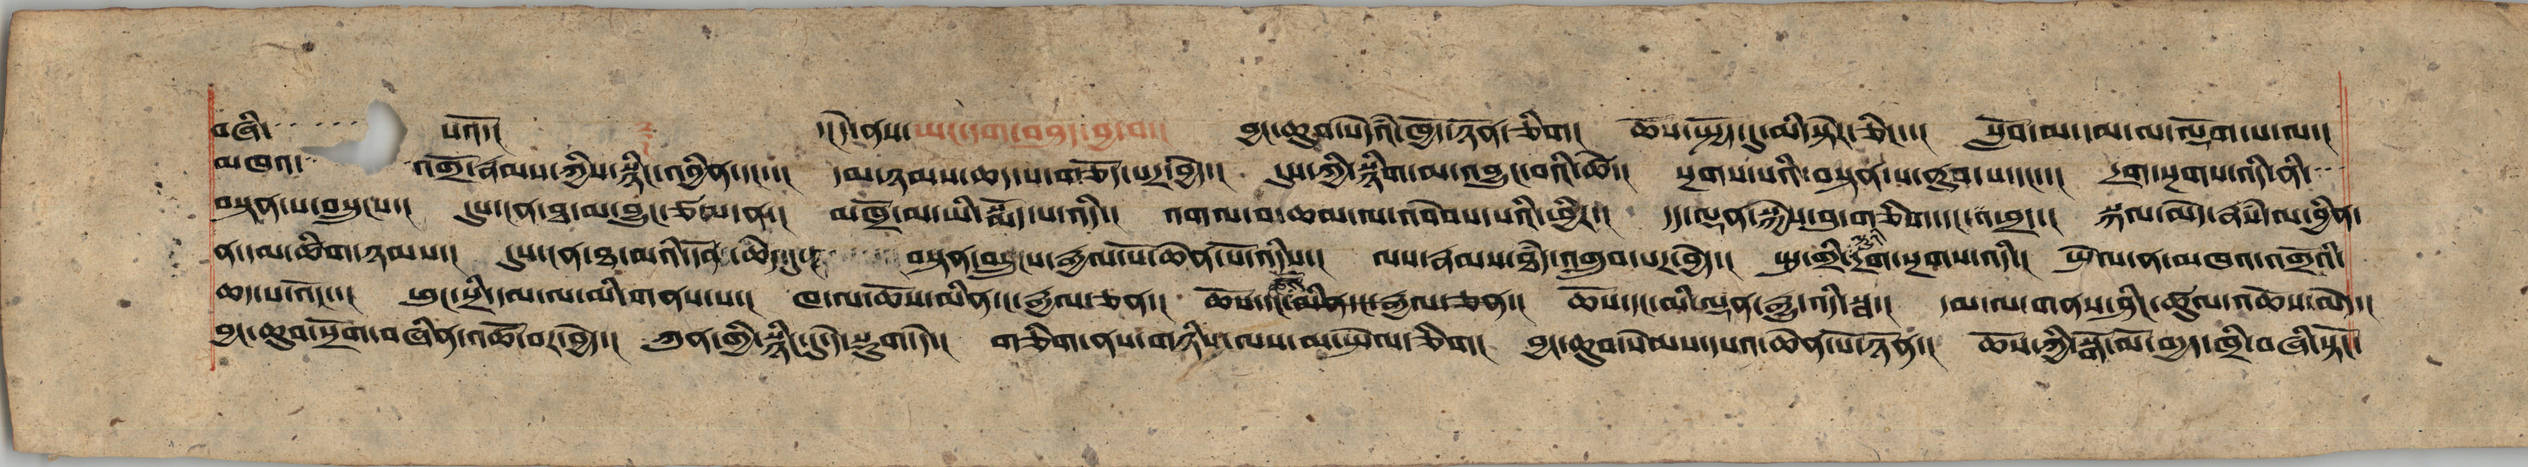བཞི་ ་་་་ པའོ་། ༈ ་།དེ་ནས་ཡང་དག་བཤད་བྱ་བ་། བྱང་ཆུབ་སེདཾའ་ཁྱོད་ཉོན་ཅིག། ཆོས་སྤྱོད་དུ་མི་སྟེར་ཅིང་་། སློབ་མ་མ་ལ་ལྡོག་པ་ལ་།
མཁའ་ འགྲོ་རྣམས་ཀྱིས་སྙིང་འབྱིན་དང་། དམ་ཉམས་ཆད་པ་གཅོད་པར་བྱེད་། དུས་ཀྱི་སྙིག་མ་འབྱུང་བའི་ཚེ་། སྔགས་པའི་བསྟན་པ་ནུབ་པ་དང་་། དྲག་སྔགས་འདི་ནི་
བསྟན་པ་བསྲུངས་། དུས་ངན་ཐ་མ་བྱུང་ཙམ་ན་། མཁྲོ་མ་ཡི་སྨོད་པ་འདི་། འགལ་བ་ཆམ་ལ་འབེབས་པའི་ཕྱིར་། དད་ལྡན་སྐྱེས་བུ་གཅིག་དང་འཕྲད་། སྐལ་མེད་རྣཾས་ལ་བྱིན་
ན་དམ་ཚིག་ཉམས་། དུས་ངན་ཐ་མའི་དོན་ཆེད་དུ་། བསྟན་བསྲུངས་རྒྱལ་པོ་ཆེན་པོ་འདིས་། ལས་རྣམས་ཐཾད་འགྲུབ་པར་བྱེད་། སྤུ་གྲི་དྲག་སྔགས་འདི་། སྤེལ་ན་མཁའ་འགྲོའི་
ཆད་པ་འོང་་། ཕུང་སྲི་དམ་ལ་མི་གནས་པ་། ཁ་ལ་ཆོས་མིན་ང་རྒྱལ་ཅན་། ཆོས་དང་མིན་ང་རྒྱལ་ཅན་། ཆོས་དང་མི་ལྡན་རྒྱུ་འདི་སྦ་། དམ་ལ་གནས་ཤིང་ཚུལ་འཆོས་མེད་།
བྱང་ཆུབ་སྲོག་བཞིན་འཚོ་བར་བྱེད་། ཀུན་གྱི་སྙིང་དུ་དེ་སྡུག་དེ་། གཅིག་ནས་གཉིས་ལས་མ་སྤེལ་ཅིག། བྱང་ཆུབ་སེམས་དཔའ་ཆེན་པོ་ཉོན་། ཆོས་ཀྱིསྒོ་མོ་བདྱད་ཁྲི་བཞི་སྟོང་